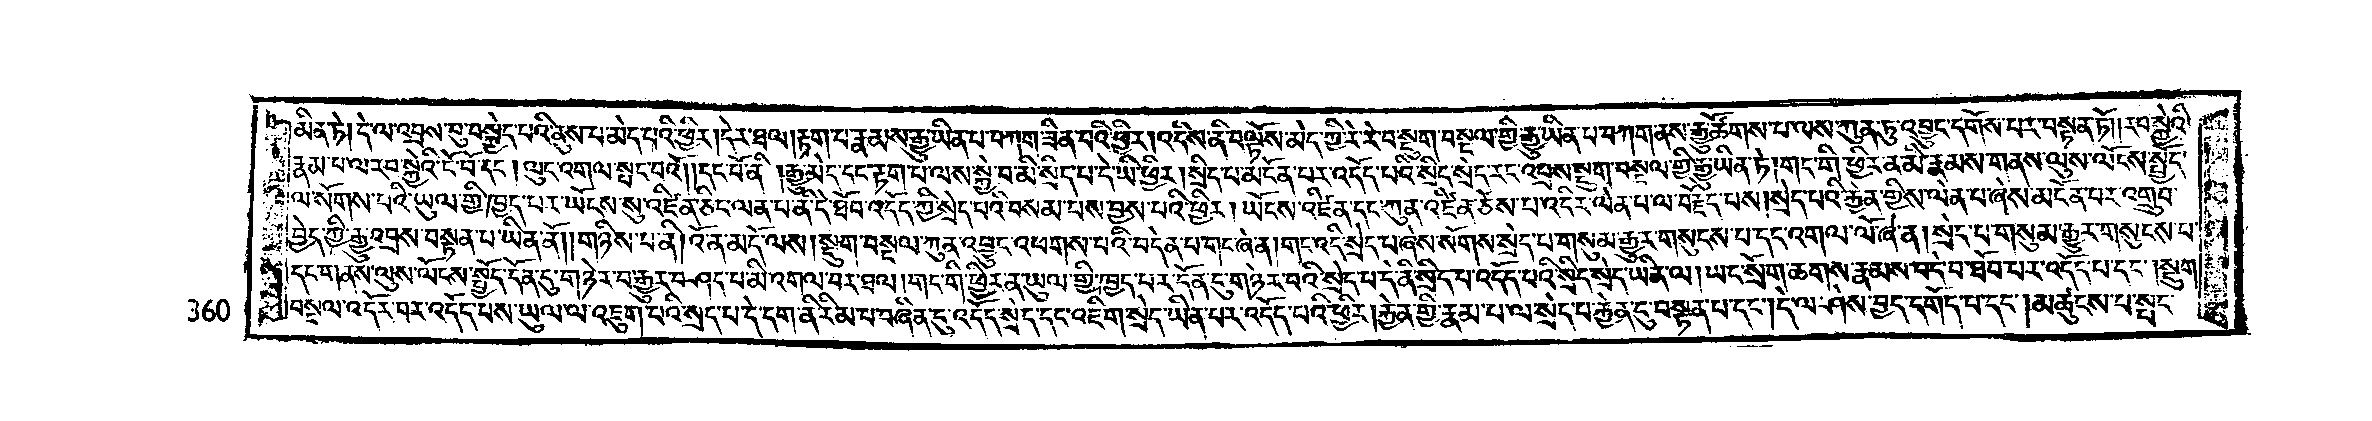མིན་ཏེ། དེ་ལ་འབྲས་བུ་བསྐྱེད་པའི་ནུས་པ་མེད་པའི་ཕྱིར། དེར་ཐལ། རྟག་པ་རྣམས་རྒྱུ་ཡིན་པ་བཀག་ཟིན་པའི་ཕྱིར། འདིས་ནི་བལྟོས་མེད་ཀྱི་རེ་རེ་བ་སྡུག་བསྔལ་གྱི་རྒྱུ་ཡིན་པ་བཀག་ནས་རྒྱུ་ཚོགས་པ་ལས་ཀུན་ཏུ་འབྱུང་དགོས་པར་བསྟན་ཏོ། །རབ་སྐྱེའི་
རྣམ་པ་ལ་རབ་སྐྱེའི་ངོ་བོ་དང་། ལུང་འགལ་སྤང་བའོ། །དང་པོ་ནི་།རྒྱུ་མེད་དང་རྟག་པ་ལས་སྐྱེ་བ་མི་སྲིད་པ་དེ་ཡི་ཕྱིར། སྲིད་པ་མངོན་པར་འདོད་པའི་སྲིད་སྲེད་རང་འབྲས་སྡུག་བསྔལ་གྱི་རྒྱུ་ཡིན་ཏེ། གང་གི་ཕྱིར་ན་མི་རྣམས་གནས་ལུས་ལོངས་སྤྱོད་
ལ་སོགས་པའི་སུལ་གྱི་ཁྱད་པར་ཡོངས་སུ་འཛིན་ཅིང་ལན་པ་ནི་དེ་ཐོབ་འདོད་ཀྱི་སྲེད་པའི་བསམ་པས་བྱས་པའི་ཕྱིར། ཡོངས་འཛིན་དང་ཀུན་འཛིན་ཅོས་པ་འདིར་ལེན་པ་ལ་བརྗོད་པས། སྲེད་པའི་རྐྱེན་གྱིས་ལེན་པ་ཞེས་མངོན་པར་འགྲུབ་
བྱེད་ཀྱི་རྒྱུ་འབྲས་བསྟན་པ་ཡིན་ནོ། །གཉིས་པ་ནི། འོ་ན་མདོ་ལས། སྡུག་བསྔལ་ཀུན་འབྱུང་འཕགས་པའི་བདེན་པ་གང་ཞེ་ན། གང་འདི་སྲེད་པ་ཞེས་སོགས་སྲིད་པ་གསུམ་རྒྱུར་གསུངས་པ་དང་འགལ་ལོ་ཞེ་ན། སྲེད་པ་གསུམ་རྒྱུར་གསུངས་པ་
དང་གནས་ལུས་ལོངས་སྤྱོད་དོན་དུ་གཉེར་བ་རྒྱུར་བཤད་པ་མི་འགལ་བར་ཐལ། གང་གི་ཕྱིར་ན་ཡུལ་གྱི་ཁྱད་པར་དོན་དུ་གཉེར་བའི་སྲེད་པ་དེ་ནི་སྲིད་པ་འདོད་པའི་སྲིད་སྲེད་ཡིན་ལ། ཡང་སྲོག་ཆགས་རྣམས་བདེ་བ་ཐོབ་པར་འདོད་པ་དང་། སྡུག་
བསྔལ་འདོར་བར་འདོད་པས་ཡུལ་ལ་འཇུག་པའི་སྲེད་པ་དེ་དག་ནི་རིམ་པ་བཞིན་དུ་འདོད་སྲེད་དང་འཇིག་སྲེད་ཡིན་པར་འདོད་པའི་ཕྱིར། རྐྱེན་གྱི་རྣམ་པ་ལ་སྲེད་པ་རྐྱེན་དུ་བསྟན་པ་དང་། དེ་ལ་ཤེས་བྱད་དགོད་པ་དང་། མཚུངས་པ་སྤང་